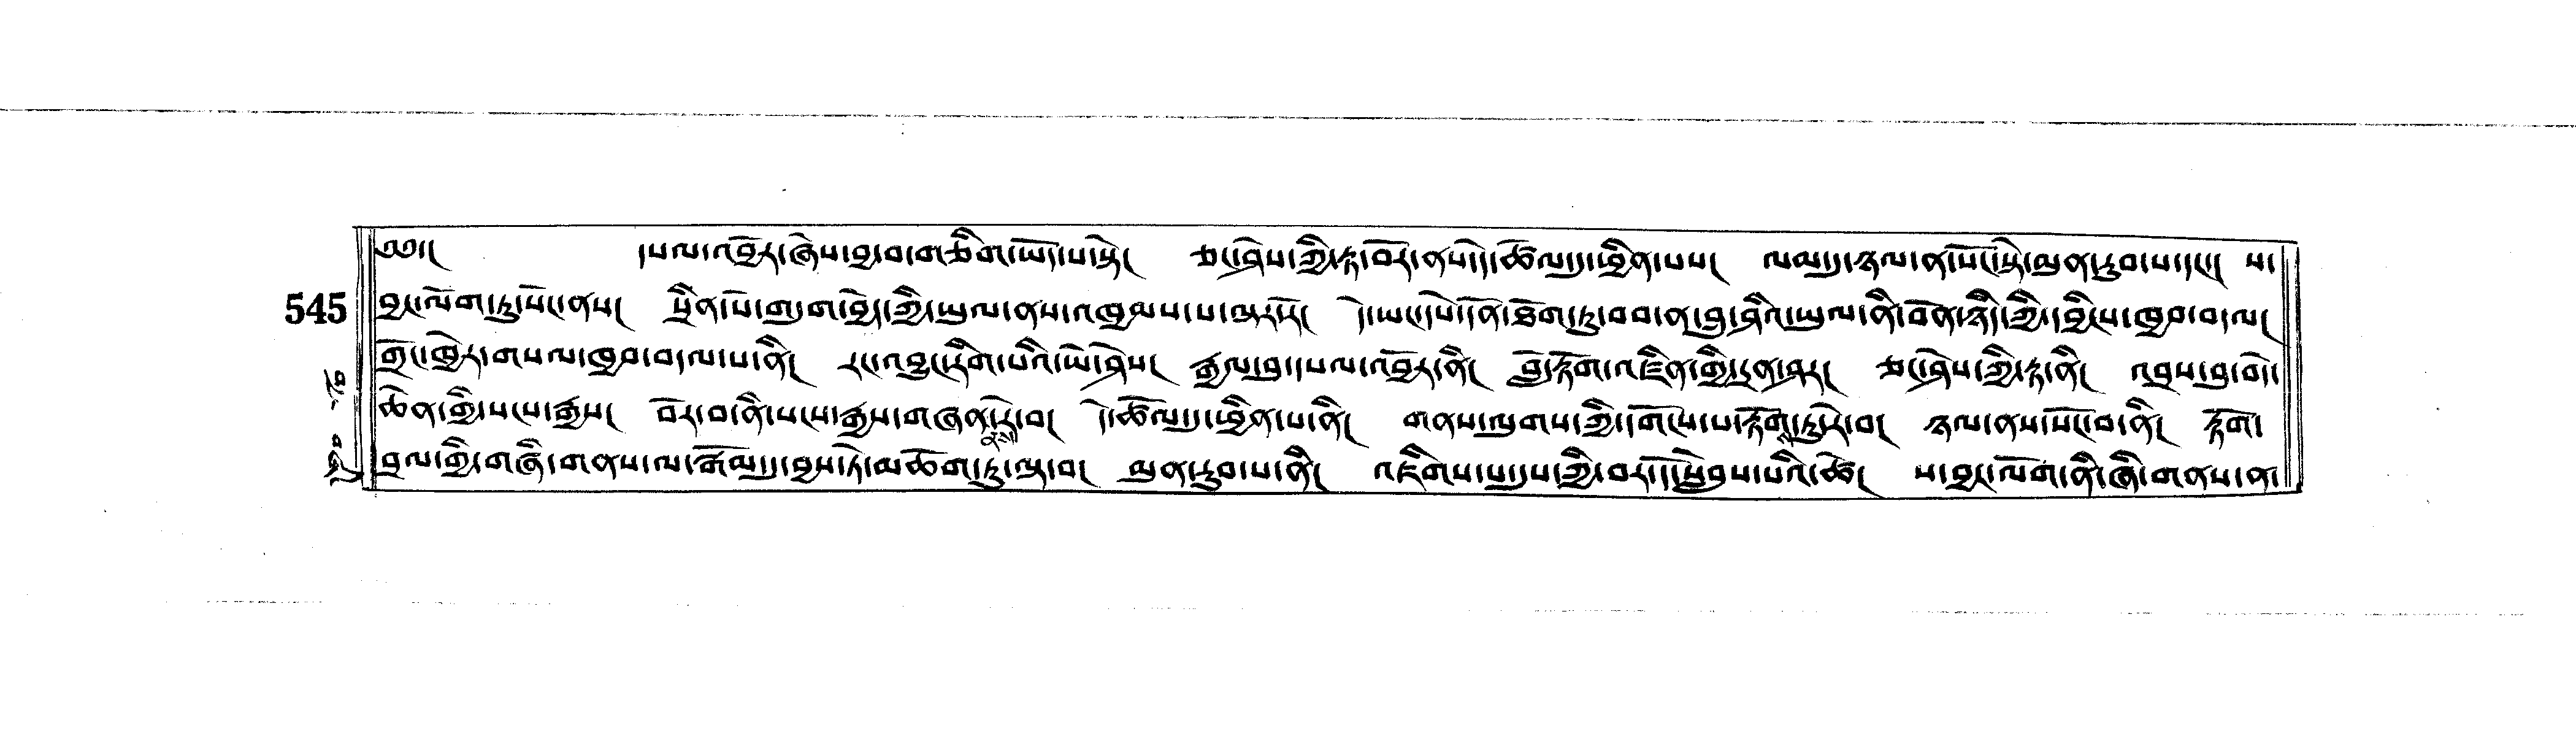དཔལ་འབྱོར་ཞེས་བྱ་བ་གཅིག་ཡོད་པ་དེ། ཅང་ཤེས་ཀྱི་རྟ་བོར་ནས་དེད་ཚོལ་དུ་ཕྱིན་པས། ལམ་དུ་ཉལ་ན་སོང་སྟེ་མུན་རུབ་པ་དང་། ས་
བྱང་ལོག་ཏུ་སོང་ནས། སྲིན་པོ་གདུག་བྱེད་ཀྱི་ཡུལ་དུ་འཁྱམས་པ་ལྟར་རོ། དེ་ཡང་དཔེ་དོན་ཐོག་ཏུ་བབས་ན་བྲུ་ཤའི་ཡུལ་ནི་བོན་ཉིད་ཀྱི་དབྱིངས་ཁྱབ་བདལ། 
གྲོང་ཁྱེར་གསལ་ཁྱབ་བདལ་པ་ནི། རང་འབྱུང་རིག་པའི་ཡེ་ཤེས། རྒྱལ་བུ་དཔལ་འབྱོར་ནི་བློ་རྟོག་འཛིན་གྱི་དྲན་ཤར། ཅང་ཤེས་ཀྱི་རྟ་ནི་འབྲས་བུ་བདེ་
ཆེན་གྱི་སངས་རྒྱས། བོར་བ་ནི་སངས་རྒྱས་གཞན་ནས་རེ་བ། དེ་ཚོལ་དུ་ཕྱིན་པ་ནི་གནས་ལུགས་ཀྱི་དགོངས་པ་རྟོགས་ཏུ་རེ་བ། ཉལ་ནས་སོང་བ་ནི་རྟོག་
བྲལ་གྱི་གཞི་གནས་ལ་སྒོམ་དུ་བྱས་ཏེ་མཆོག་ཏུ་ལྟ་བ། མུན་རུབ་པ་ནི་འཇིག་པ་དུས་ཀྱི་བར་དོ་སླེབས་པའི་ཚེ། ས་བྱང་ལོགས་ནི་ཞི་གནས་ན་